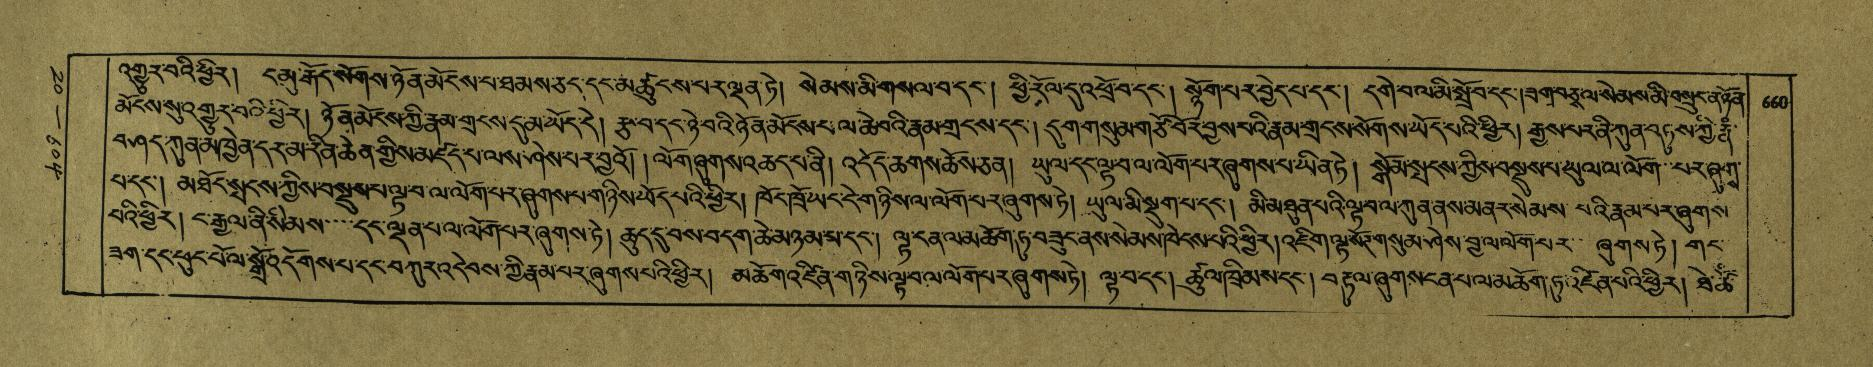འགྱུར་བའི་ཕྱིར། དམུ་རྒོད་སོགས་ཉོན་མོངས་པ་ཐམས་ཅད་དང་མཚུངས་པར་ལྡན་ཏེ། སེམས་མི་གསལ་བ་དང་། ཕྱི་རོལ་དུ་འཕྲོ་བ་དང་། སྙོག་པར་བྱེད་པ་དང་། དགེ་བ་ལ་མི་སྤྲོ་བ་དང་། ཟག་བཅས་ལ་སེམས་མི་བསྲུང་ན་ཉོན་
མོངས་སུ་འགྱུར་བའི་ཕྱིར། ཉོན་མོངས་ཀྱི་རྣམ་གྲངས་དུ་མ་ཡོད་དེ། རྩ་བ་དང་ཉེ་བའི་ཉོན་མོངས་པ་ལ་ཆེ་བའི་རྣམ་གྲངས་དང་། དུག་གསུམ་གཙོ་བོར་བྱས་པའི་རྣམ་གྲངས་སོགས་ཡོད་པའི་ཕྱིར། རྒྱས་པར་ནི་ཀུན་བཏུས་ཀྱི་རྣཾ་
བཤད་ཀུན་མཁྱེན་དར་མ་རིན་ཆེན་གྱིས་མཛད་པ་ལས་ཤེས་པར་བྱའོ། །ལོག་ཞུགས་འཆད་པ་ནི། འདོད་ཆགས་ཆོས་ཅན། ཡུལ་དང་ལྟ་བ་ལ་ལོག་པར་ཞུགས་པ་ཡིན་ཏེ། སྒོམ་སྤངས་ཀྱིས་བསྡུས་པ་ཡུལ་ལ་ལོག་པར་ཞུགས་
པ་དང་། མཐོང་སྤངས་ཀྱིས་བསྡུས་པ་ལྟ་བ་ལ་ལོག་པར་ཞུགས་པ་གཉིས་ཡོད་པའི་ཕྱིར། ཁོང་ཁྲོ་ཡང་དེ་གཉིས་ལ་ལོག་པར་ཞུགས་ཏེ། ཡུལ་མི་སྡུག་པ་དང་། མི་མཐུན་པའི་ལྟ་བ་ལ་ཀུན་ནས་མནར་སེམས་པའི་རྣམ་པར་ཞུགས་
པའི་ཕྱིར། ང་རྒྱལ་ནི་སེམས་དང་ལྡན་པ་ལ་ལོག་པར་ཞུགས་ཏེ། ཆུད་དུ་བས་བདག་ཆེ་མཉམ་པ་དང་། ལྟ་ངན་ལ་མཆོག་ཏུ་བཟུང་ནས་སེམས་ཁེངས་པའི་ཕྱིར། འཇིག་ལྟ་སོཌ་གསུམ་ཤེས་བྱ་ལ་ལོག་པར་ཞུགས་ཏེ། གང་
ཟག་དང་ཕུང་པོ་ལ་སྒྲོ་འདོགས་པ་དང་བཀུར་འདེབས་ཀྱི་རྣམ་པར་ཞུགས་པའི་ཕྱིར། མཆོག་འཛིན་གཉིས་ལྟ་བ་ལ་ལོག་པར་ཞུགས་ཏེ། ལྟ་བ་དང་། ཚུལ་ཁྲིམས་དང་། བརྟུལ་ཞུགས་ངན་པ་ལ་མཆོག་ཏུ་འཛིན་པའི་ཕྱིར། ཐེ་ཚོཾ་